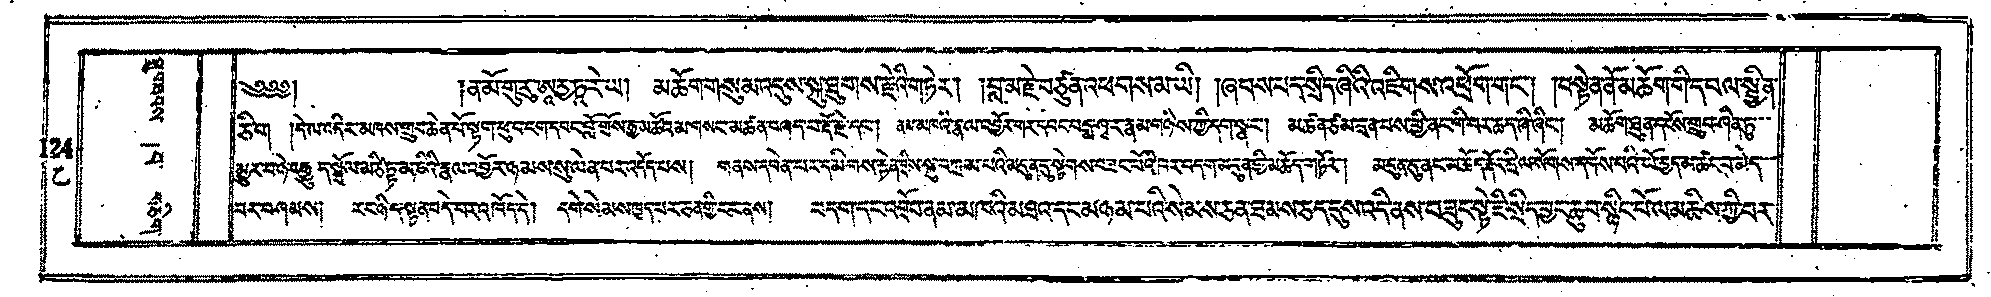༄༅༅། །ན་མོ་གུ་རུ་ཨཱརྱ་ཏཱ་རེ་ཡ། མཆོག་གསུམ་འདུས་སྐུ་ཐུགས་རྗེའི་གཏེར། །བླ་མ་རྗེ་བཙུན་འཕགས་མ་ཡི། །ཞབས་པད་སྲིད་ཞིའི་འཇིགས་འཕྲོག་གང་། །བསྟེན་ནོ་མཆོག་གི་དཔལ་སྦྱིན་
ཅིག །དེ་ལ་འདིར་མཁས་གྲུབ་ཆེན་པོ་སྟག་ཕུ་བ་ངག་དབང་བློ་གྲོས་རྒྱ་མཚོའམ་གསང་མཚན་བཞད་པ་རྡོ་རྗེ་དང་། ནམ་མཁའི་རྣལ་འབྱོར་གར་དབང་པདམ་ཤྭ་ར་རྣམ་གཉིས་ཀྱི་དག་སྣང་། མཚན་ཙམ་དྲན་པས་ཕྱི་ནང་གི་བར་ཆད་ཞི་ཞིང་། མཆོག་ཐུན་དངོས་གྲུབ་ཤིན་ཏུ་་་
མྱུར་བ་ཉེ་བརྒྱུད་སྒྲོལ་མ་ཙིཏྟ་མ་ཎིའི་རྣལ་འབྱོར་ཉམས་སུ་ལེན་པར་འདོད་པས། གནས་དབེན་པར་དམིགས་རྟེན་བྲིས་སྐུ་བཀྲམ་པའི་མདུན་དུ་སྟེགས་བཟང་པོའི་ཁར་བདག་མདུན་གྱི་མཆོག་གཏོར། མདུན་དུ་ནང་མཆོད་རྡོར་དྲིལ་སོགས་དགོས་པའི་ཡོ་བྱད་མ་ཚང་བ་མེད་་་
པར་བཤམས། རང་ཉིད་སྟན་བདེ་བར་འཁོད་དེ། དགེ་སེམས་ཁྱད་པར་ཅན་གྱི་ངང་ནས། བདག་དང་འགྲོ་བ་ནམ་མཁའི་མཐའ་དང་མཉམ་པའི་སེམས་ཅན་ཐམས་ཅད་དུས་འདི་ནས་བཟུང་སྟེ་ཇི་སྲིད་བྱང་ཆུབ་སྙིང་པོ་ལ་མཆིས་ཀྱི་བ་